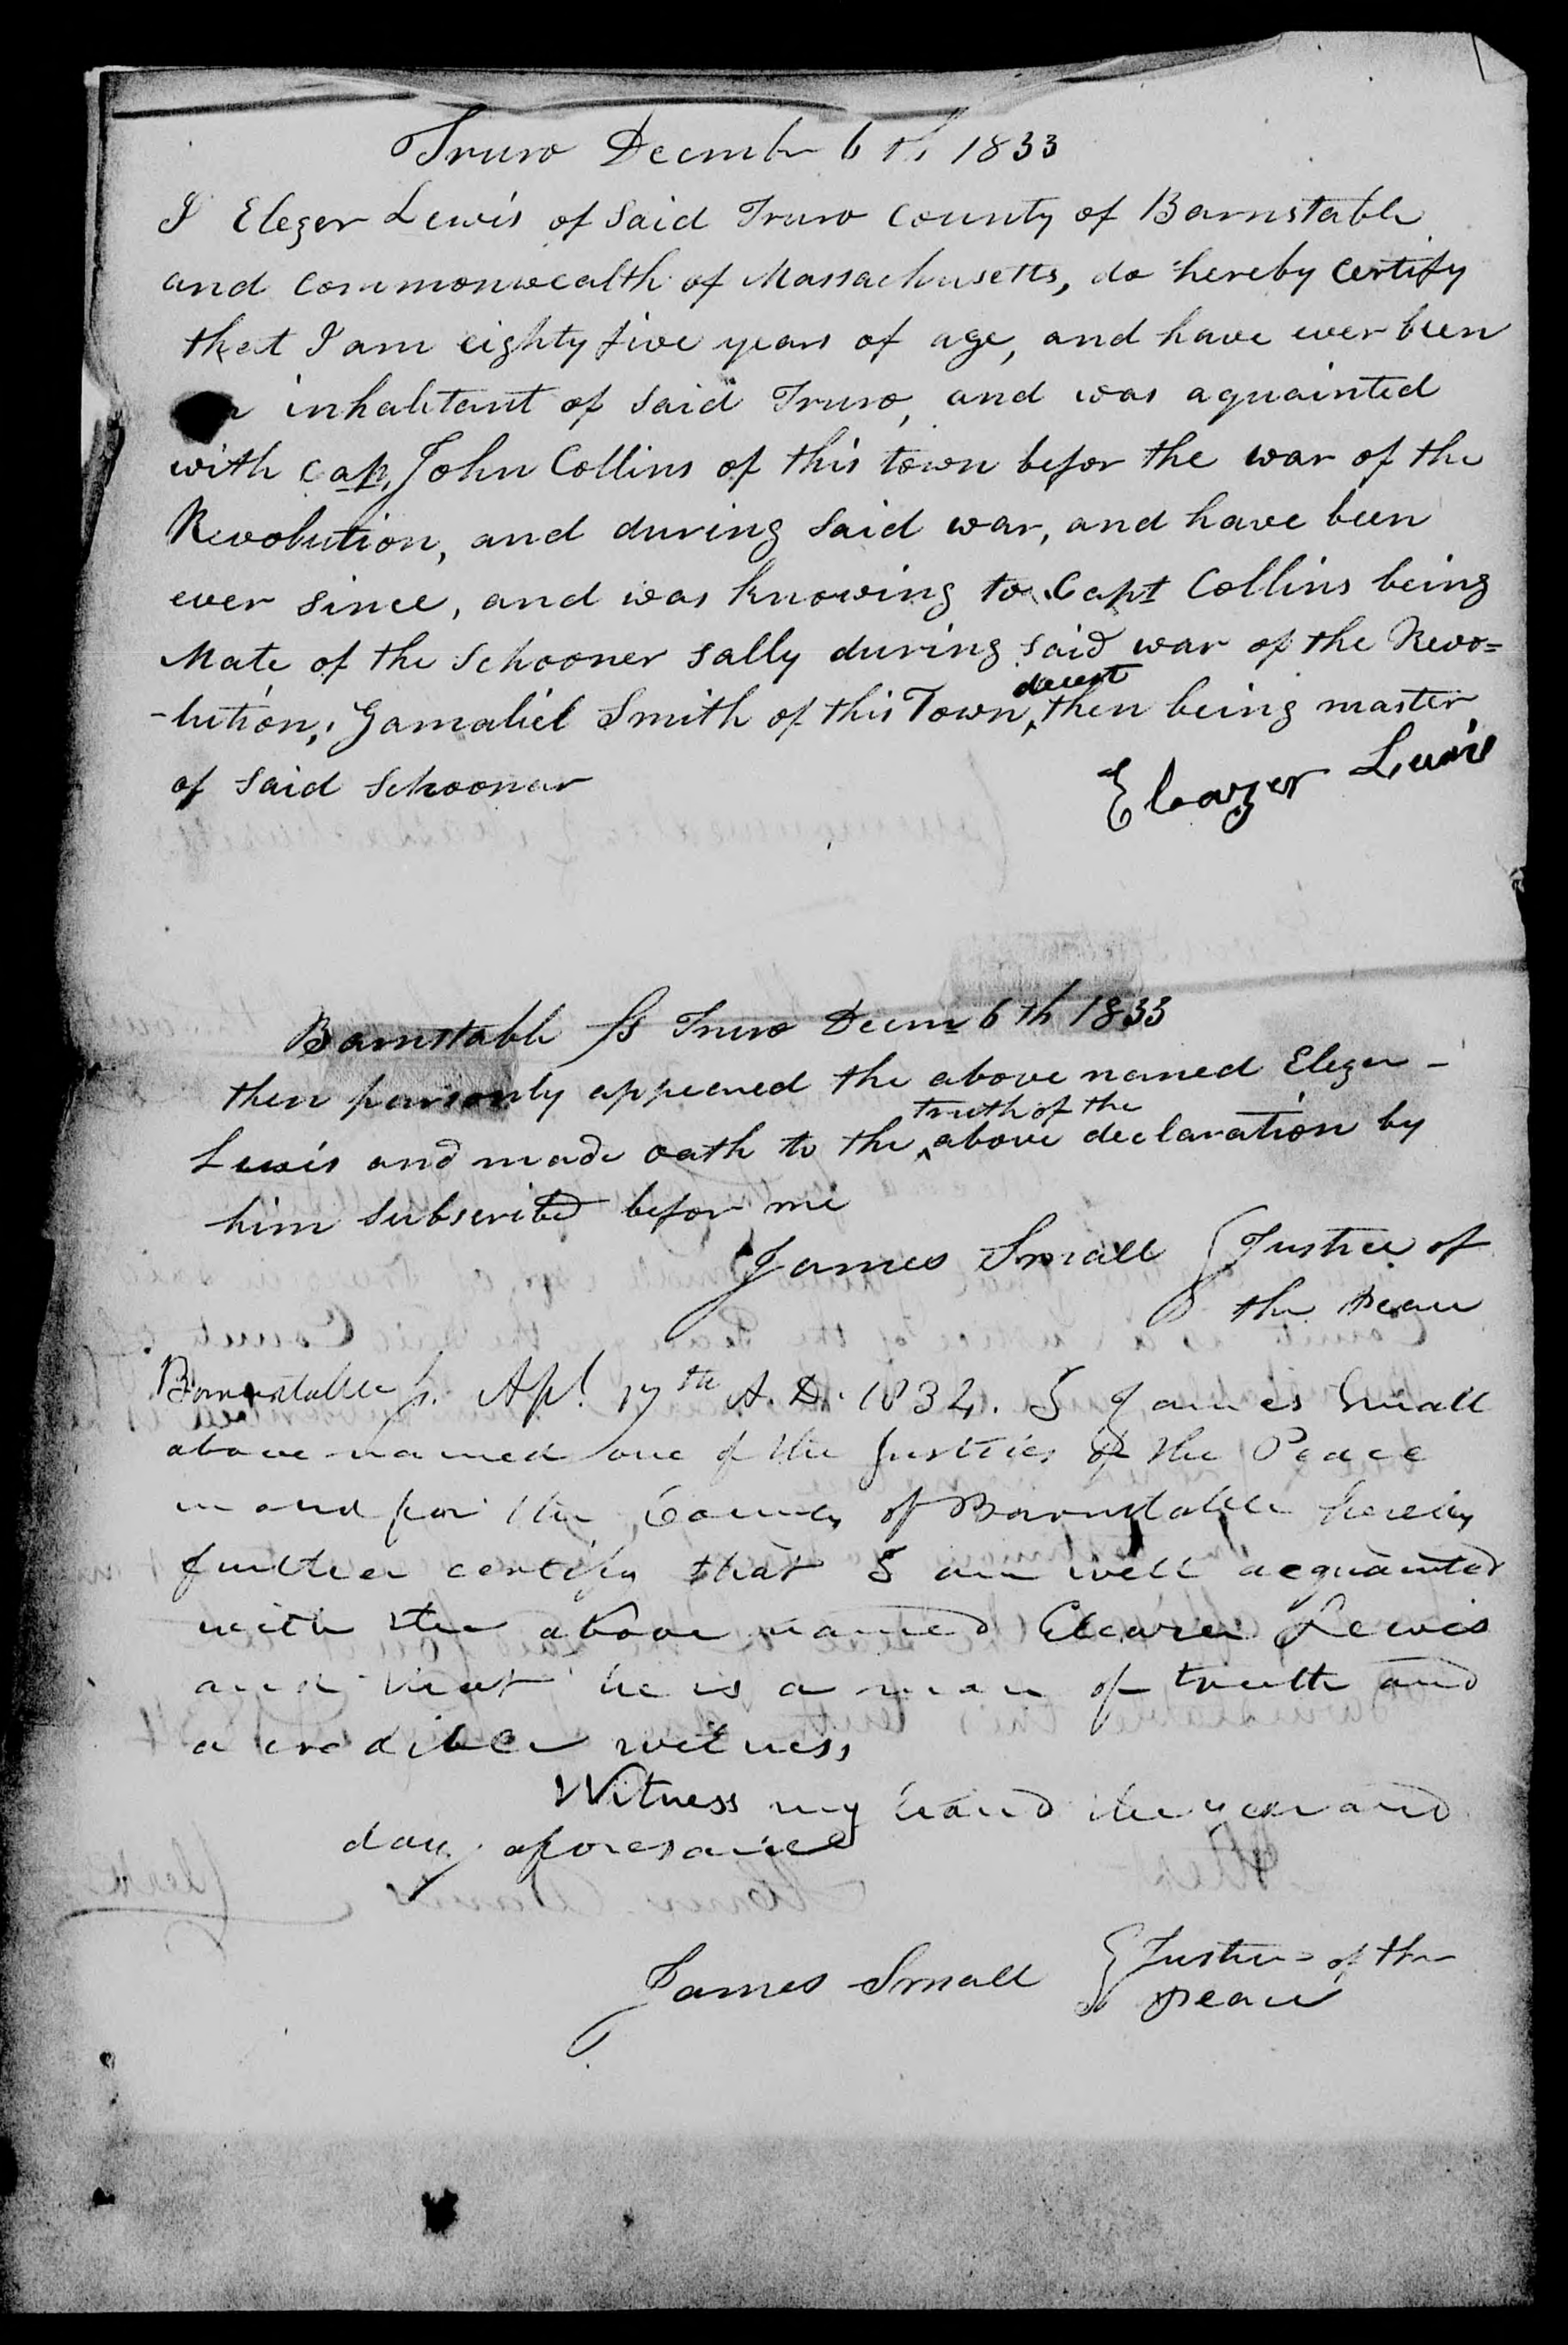Truro December 6, 1833 

I Elezer Lewis of said Trust County of Barnstable and Commonwealth of Massachusetts, do hereby certify that I am eighty five years of age and have ever been inhabitant of said Truro, and was aquainted with Capt. John Collins of this town before the war of the Revolution, and during said war, and have been ever since, and was knowing to Capt Collins being Mate of the Schooner sally during said war of the Revolution, Gamaliel Smith of this Town then being master of said Schooner 
Eleazer Lewis

Barnstable SS Truro  Decem 6th 1833 
then personly appeared the above named Elezer Lewis and made oath to the truth of the above declaration by him subscribed before me 
James Small R Justice of the peace 

Barnstable Ss Apl 17th A.D. 1834 
I James Small above named one of the Justices of the Peace in and for the County of Barnstable hereby further certify that I am well acquainted with the above named Eliezer Lewis and that he is a man of truth and a credible witness 
Witness my hand day aforesaid 
James Small Justice of the peace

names: Elezar Lewis, Gamaliel Smith, John Collins, Truro, Collins, Eleazer Lewis, Elezer Lewis, James Small, James Small, James Small, Eleazer Lewis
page: 39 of 43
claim: survivor's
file: S. 29,732, John Collins, Mass. Navy